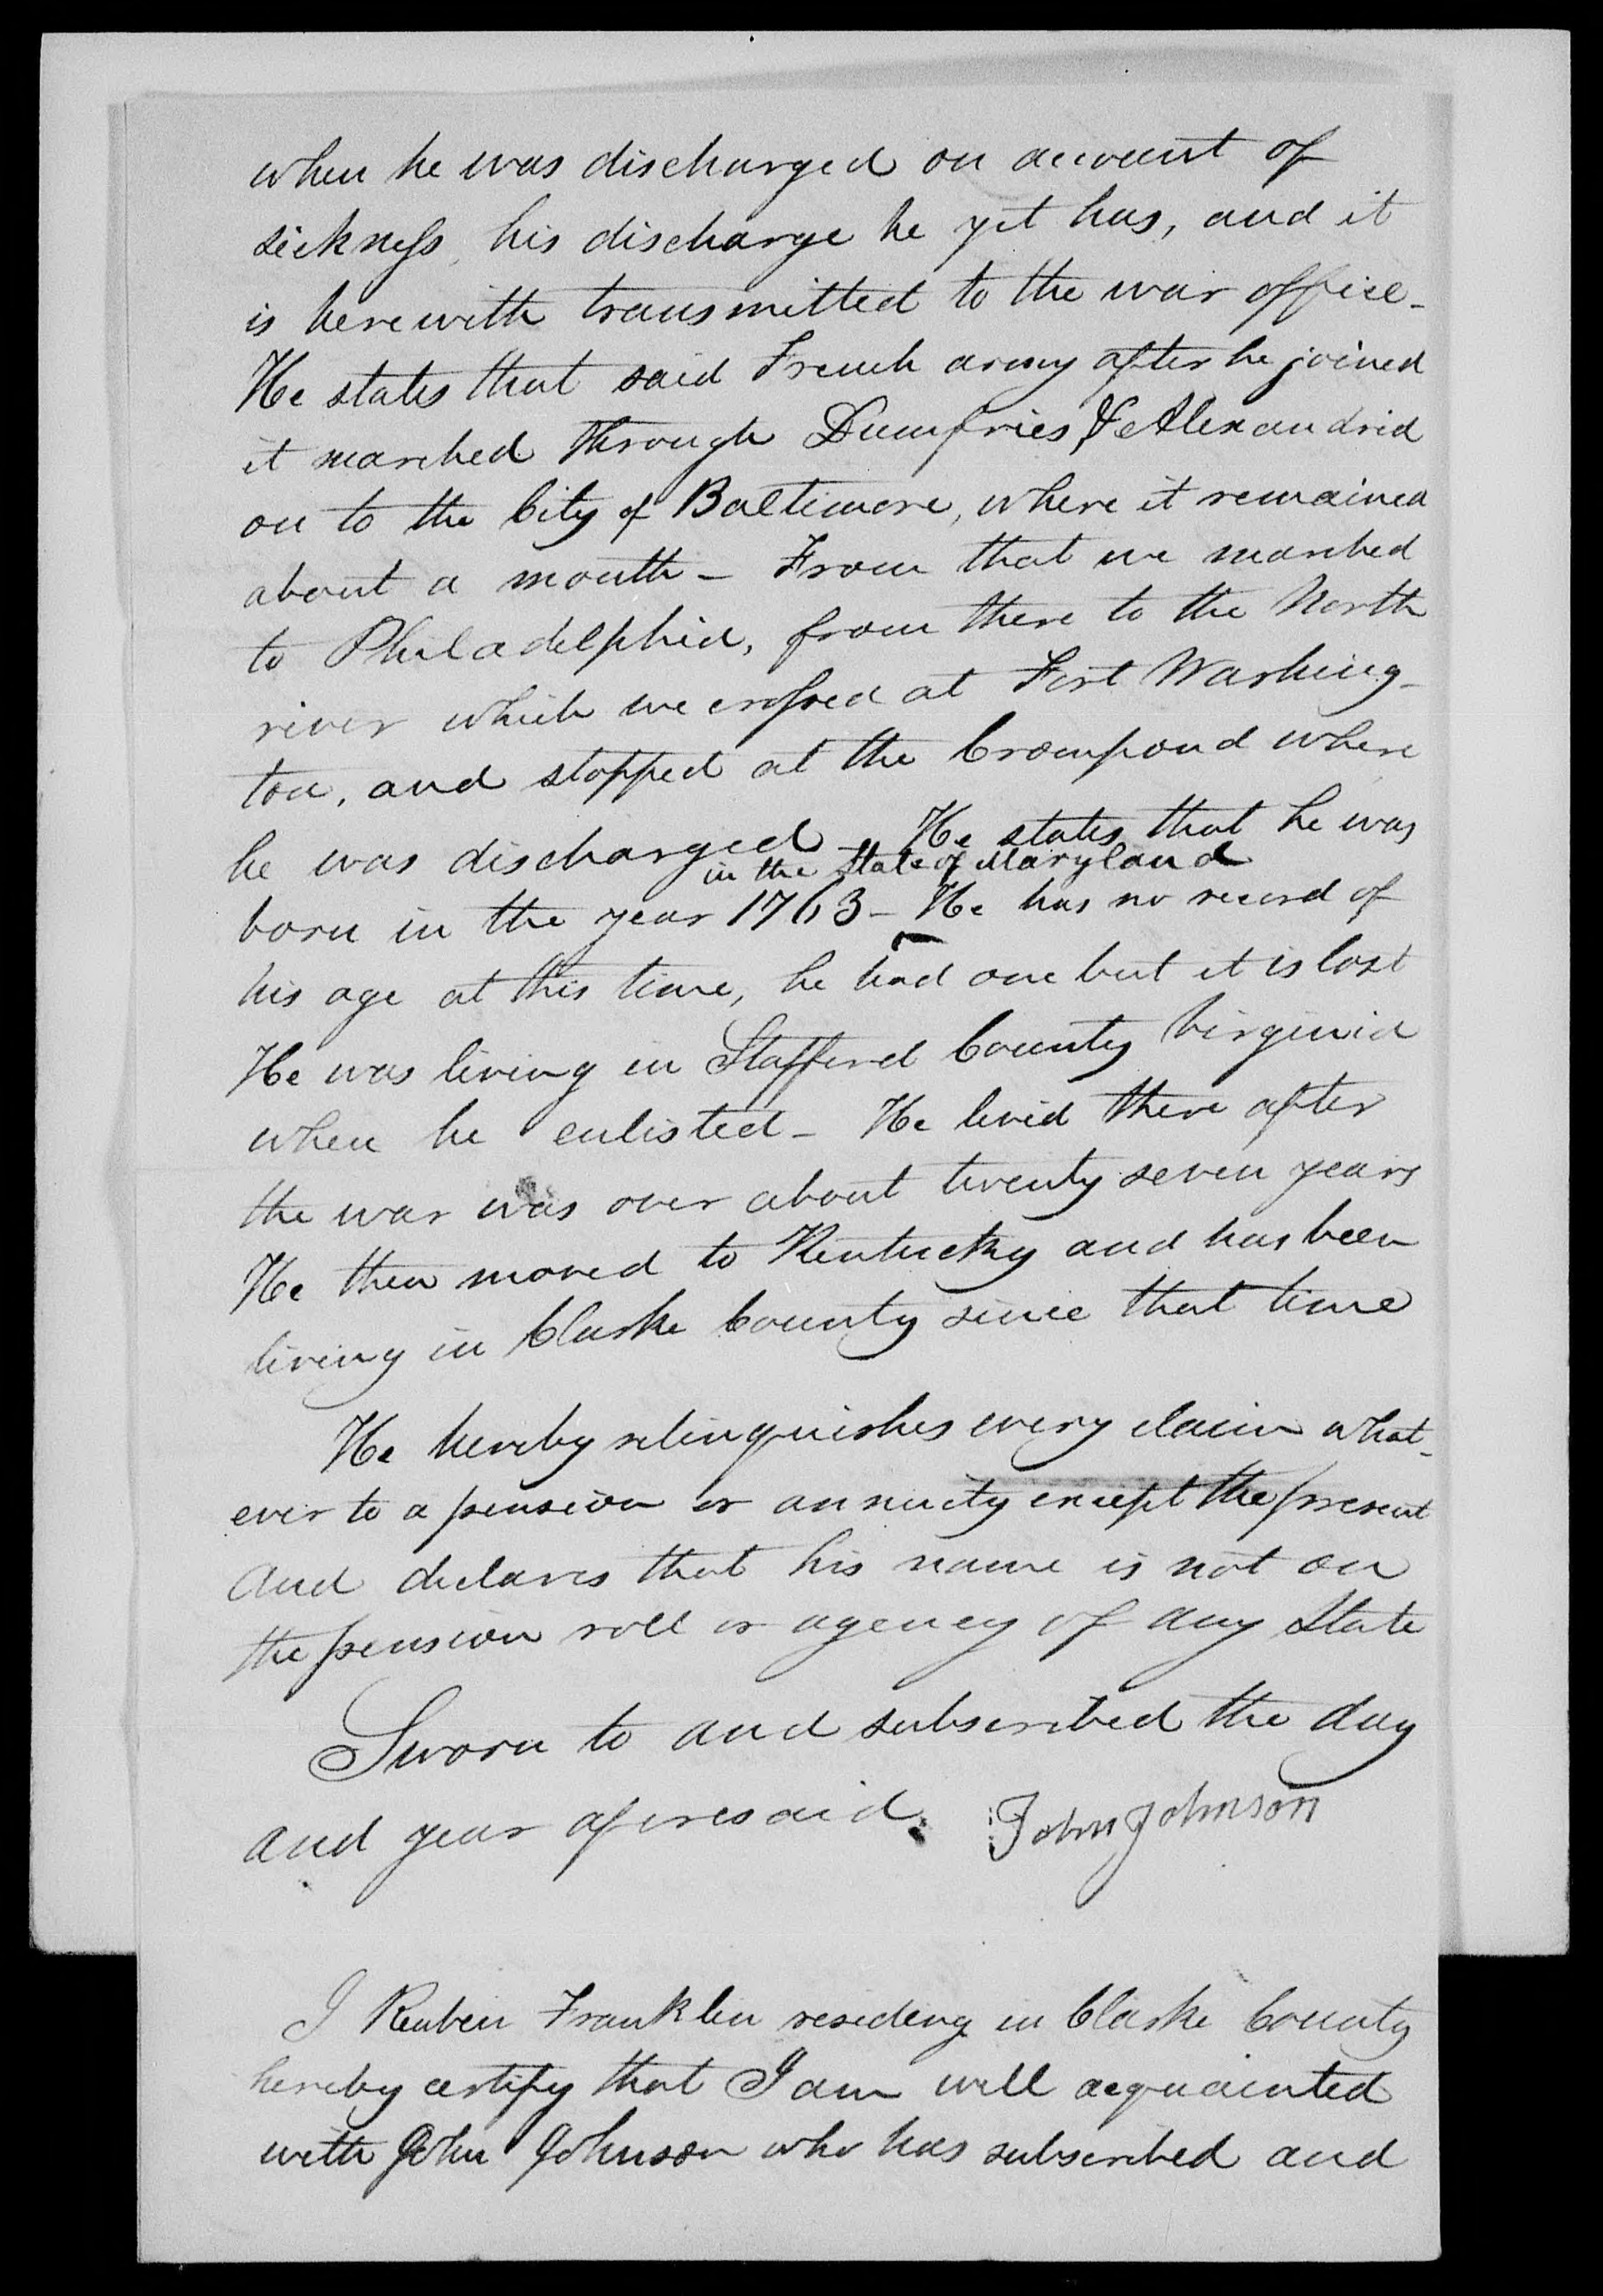when he was discharged on account of sickness his discharge he yet has, and it is herewith transmitted to the war office. He states that said French army after he joined it marched through Dumfries and Alexandria on to the City of Baltimore, where it remained about a month. From that we marched to Philadelphia, from there to the North river which we enforced at Fort Washington, and stopped at the Crompond where he was discharged. He states that he was born in the year 1763 in the state of Maryland. He has no record of his age at this time, he had one but it is lost. He was living in Stafford County Virginia when he enlisted. He lived there after the war was over about twenty seven years. He then moved to Kentucky and has been living in Clarke County since that time.

He hereby relinquishes every claim whatever to a pension or annuity except the present and declares that his name is not on the pension roll or agency of any state.

Sworn to and subscribed the day and year aforesaid. 
[signature] John Johnson

I Reuben Franklin residing in Clarke County hereby certify that I am well acquainted with John Johnson who has subscribed and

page: 6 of 16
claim: rejected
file: R. 5634, for John Johnson, Virginia